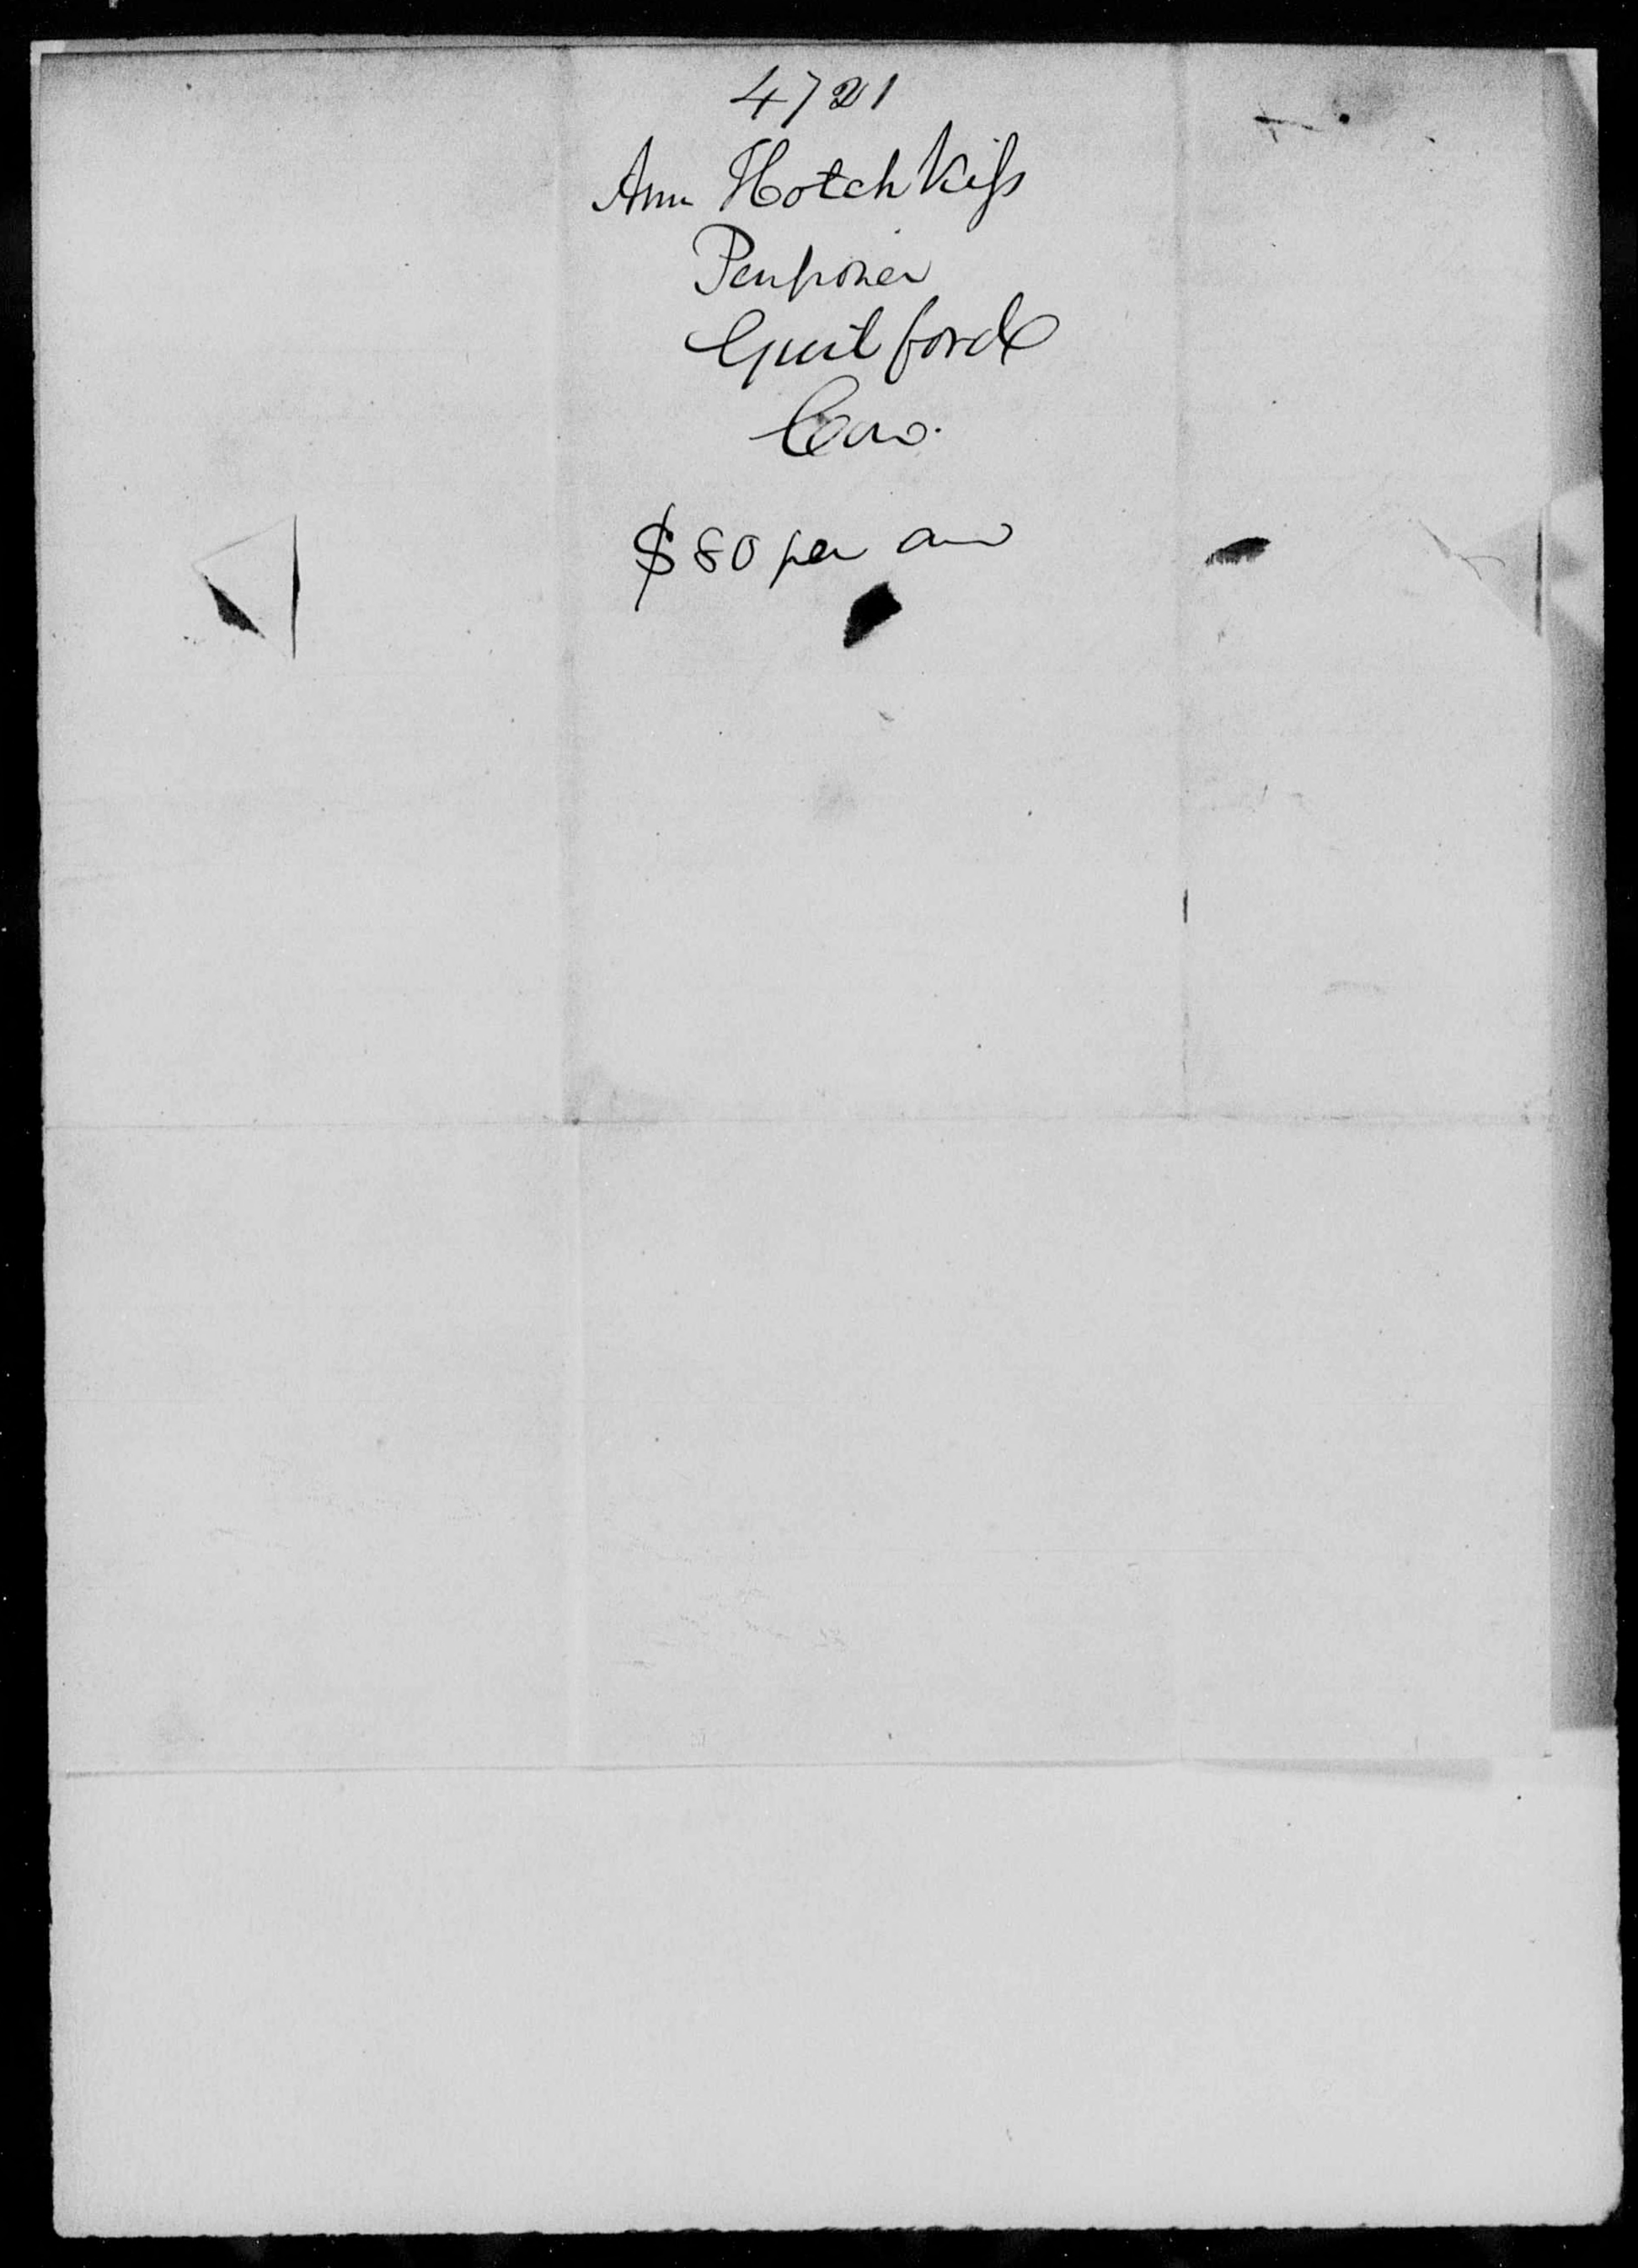4721
Ann Hotchkiss
Pensioner
Guilford
Con.
$80 per an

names: Ann Hotchkiss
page: 23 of 25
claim: widow's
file: W. 18,021, Isaac Hotchkiss, Conn.